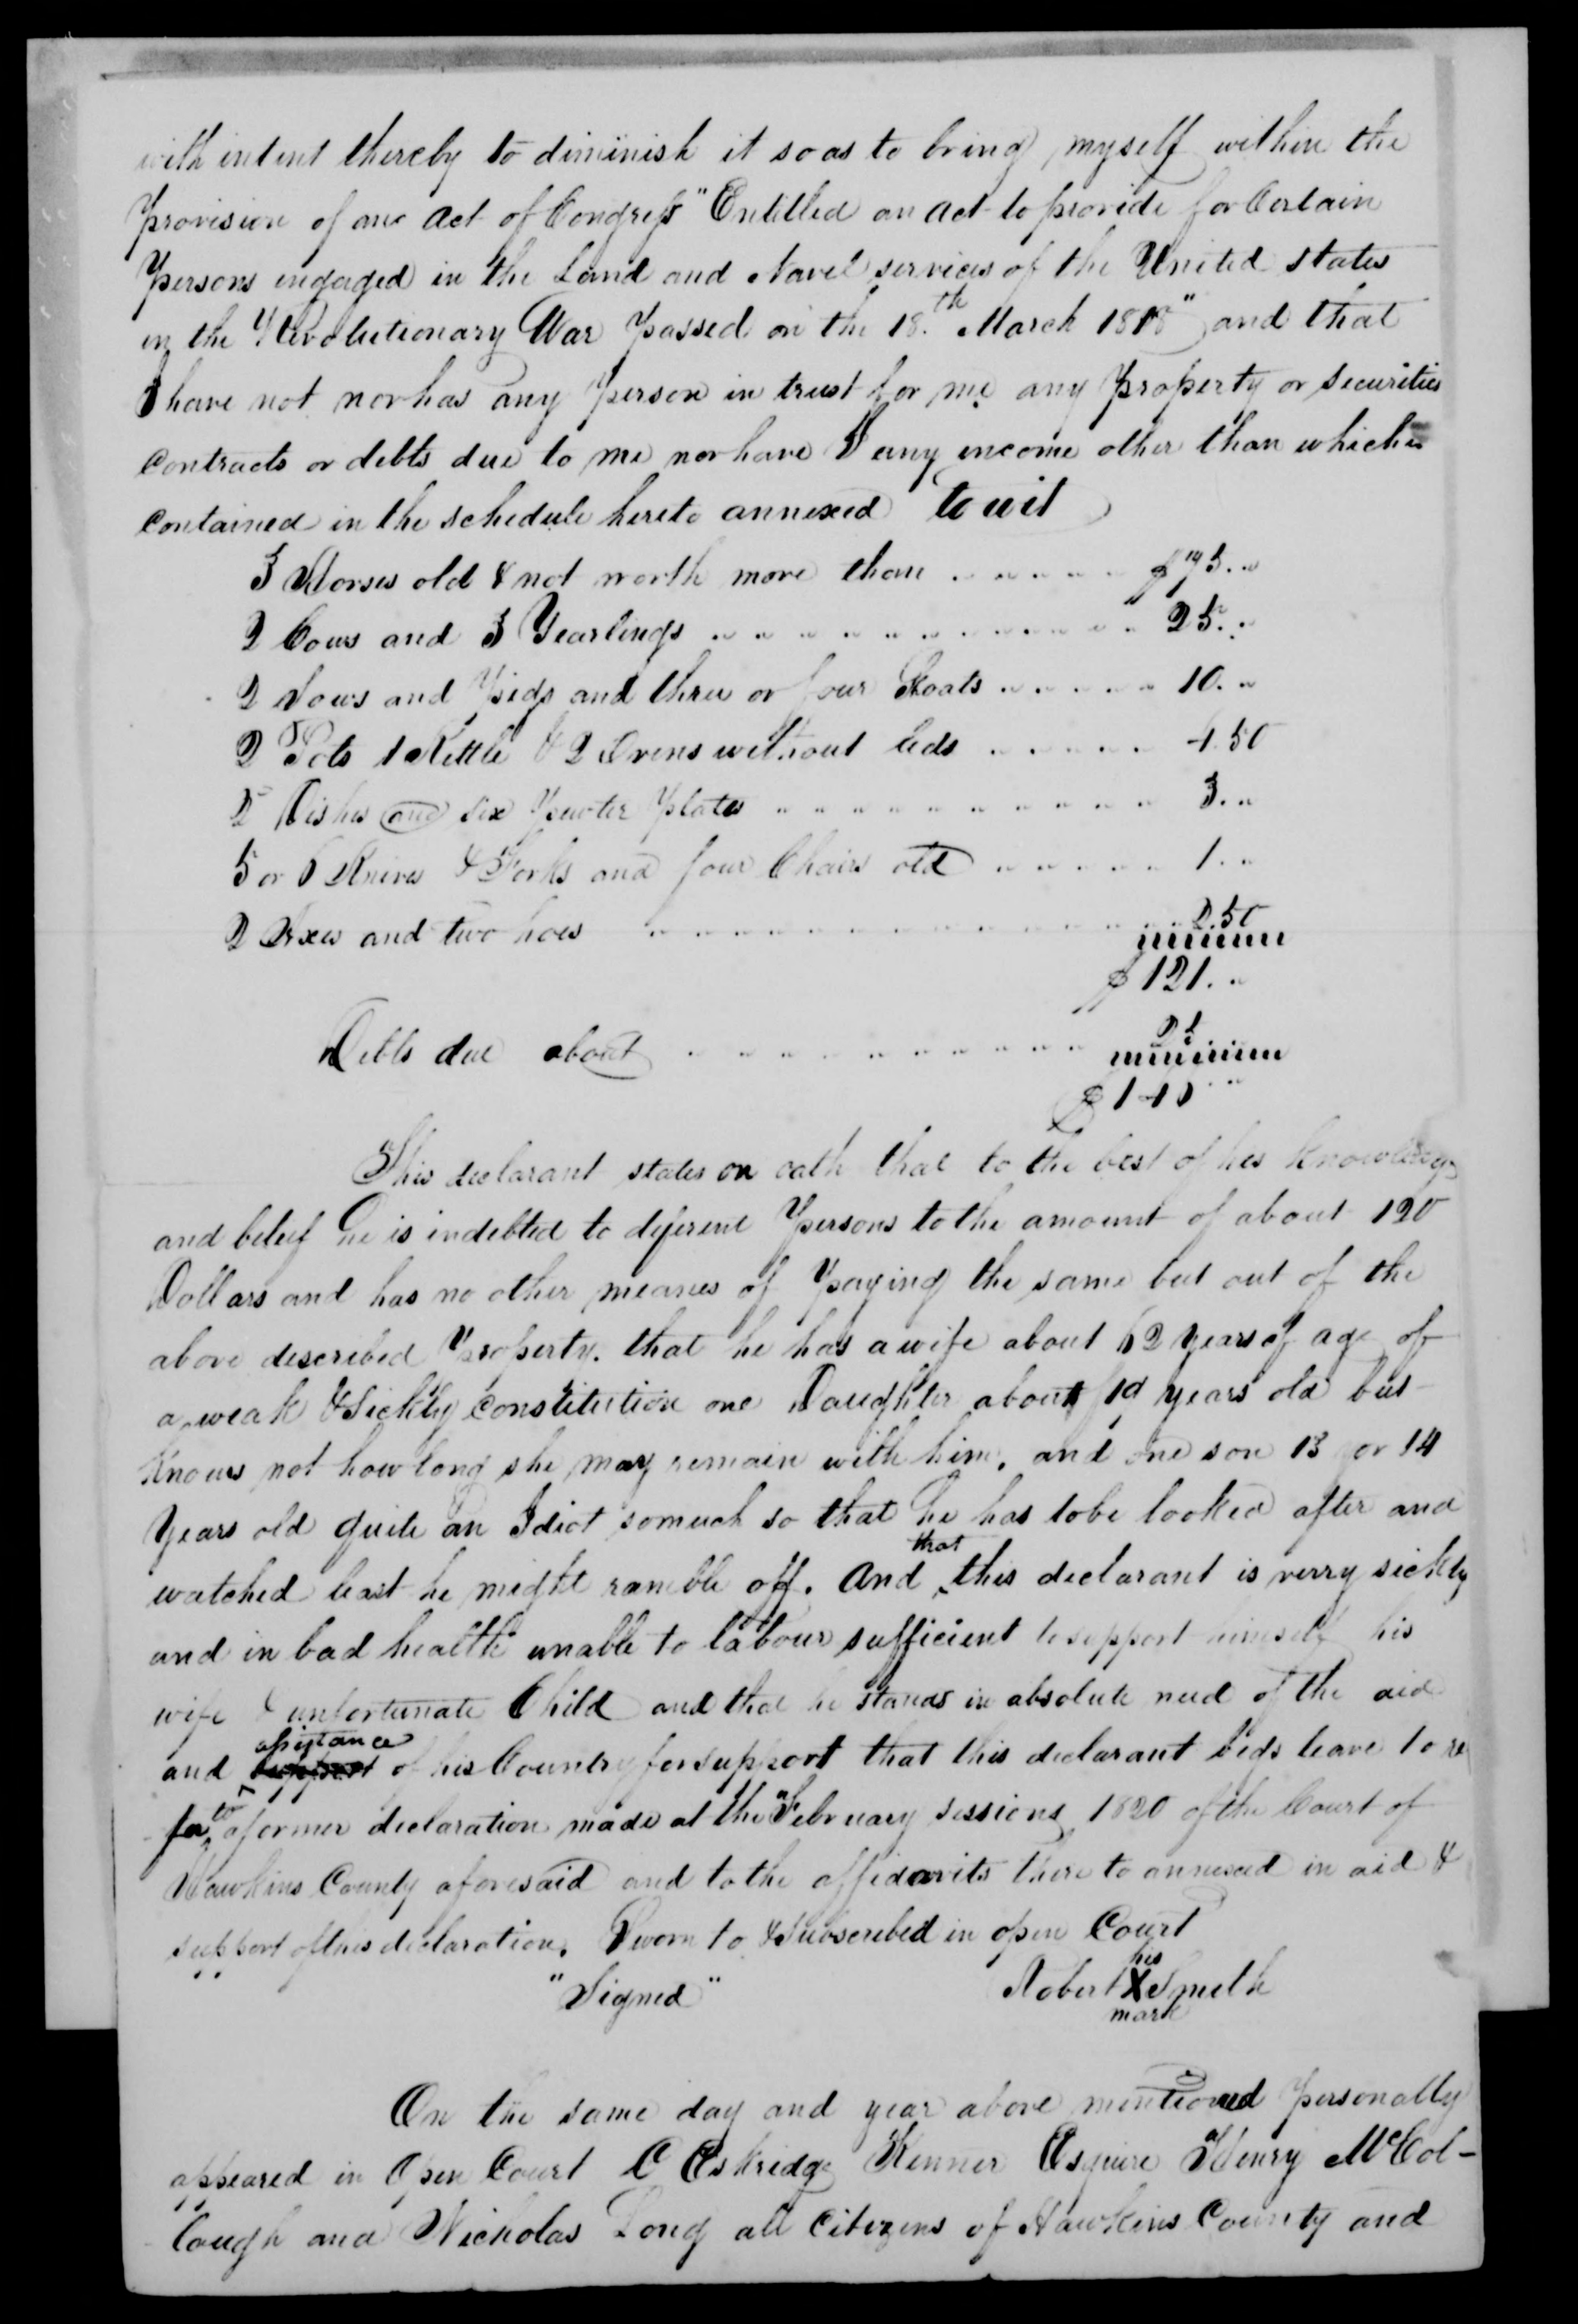with intent thereby to diminish it so as to bring myself within the provision of an act of Congress Entitled an act to provide for certain persons engaged in the land and Navel services of the United States in the Revolutionary War passed on the 18th March 1818 and that I have not nor has any person in trust for me any property or securities contracts or debts due to me nor have I any income other than which is contained in the scheduled hereto annexed to wit
3 Horses old & not worth more than $75.00
2 Cows and 3 Yearlings 25.00
2 Sows and pigs and three or four goats 10.00
2 Pots & Kettle & 2 ovens without lids 4.50
2 Dishes and six pewter plates 3.00
5 or 6 Knives & Forks and four chairs old 1.00
2  Axes and two hoes 2.50
$121
Debts due about 25.
$146

This declarant states on oath that to the best of his knowledge and belief he is indebted to diferent persons to the amount of about 120 Dollars and has no other means of paying the same but out of the above described property that he has a wife about 62 years of age of a weak & sickly constitution one Daughter about 19 years old but knows not how long she may remain with him and one son 13 or 14 years old quite an idiot somuch so that he has to be looked after and watched least he might ramble off And that this declarant is very sickly and in bad health unable to labour sufficient to support himself his wife unfortunate child and that he stands in absolute need of the aid and assistance of his country for support that this declarant begs leave to refer to a former declaration made at the February sessions 1820 of the court of Hawkins County aforesaid and to the affidavits thereto annexed in aid & support of this declaration Sworn to & subscribed in open court
"Signed" Robert his X mark Smith

On the same day and year above mentioned personally appeared in Open Court  C Eskridge Kenner Esquire Henry McCollough Nicholas Long all citizens of Hawkins county and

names: Robert Smith; C Eskridge Kenner; Nicholas Long; Henry Mc Collough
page: 8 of 79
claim: widow's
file: W. 1504, for Robert Smith, North Carolina